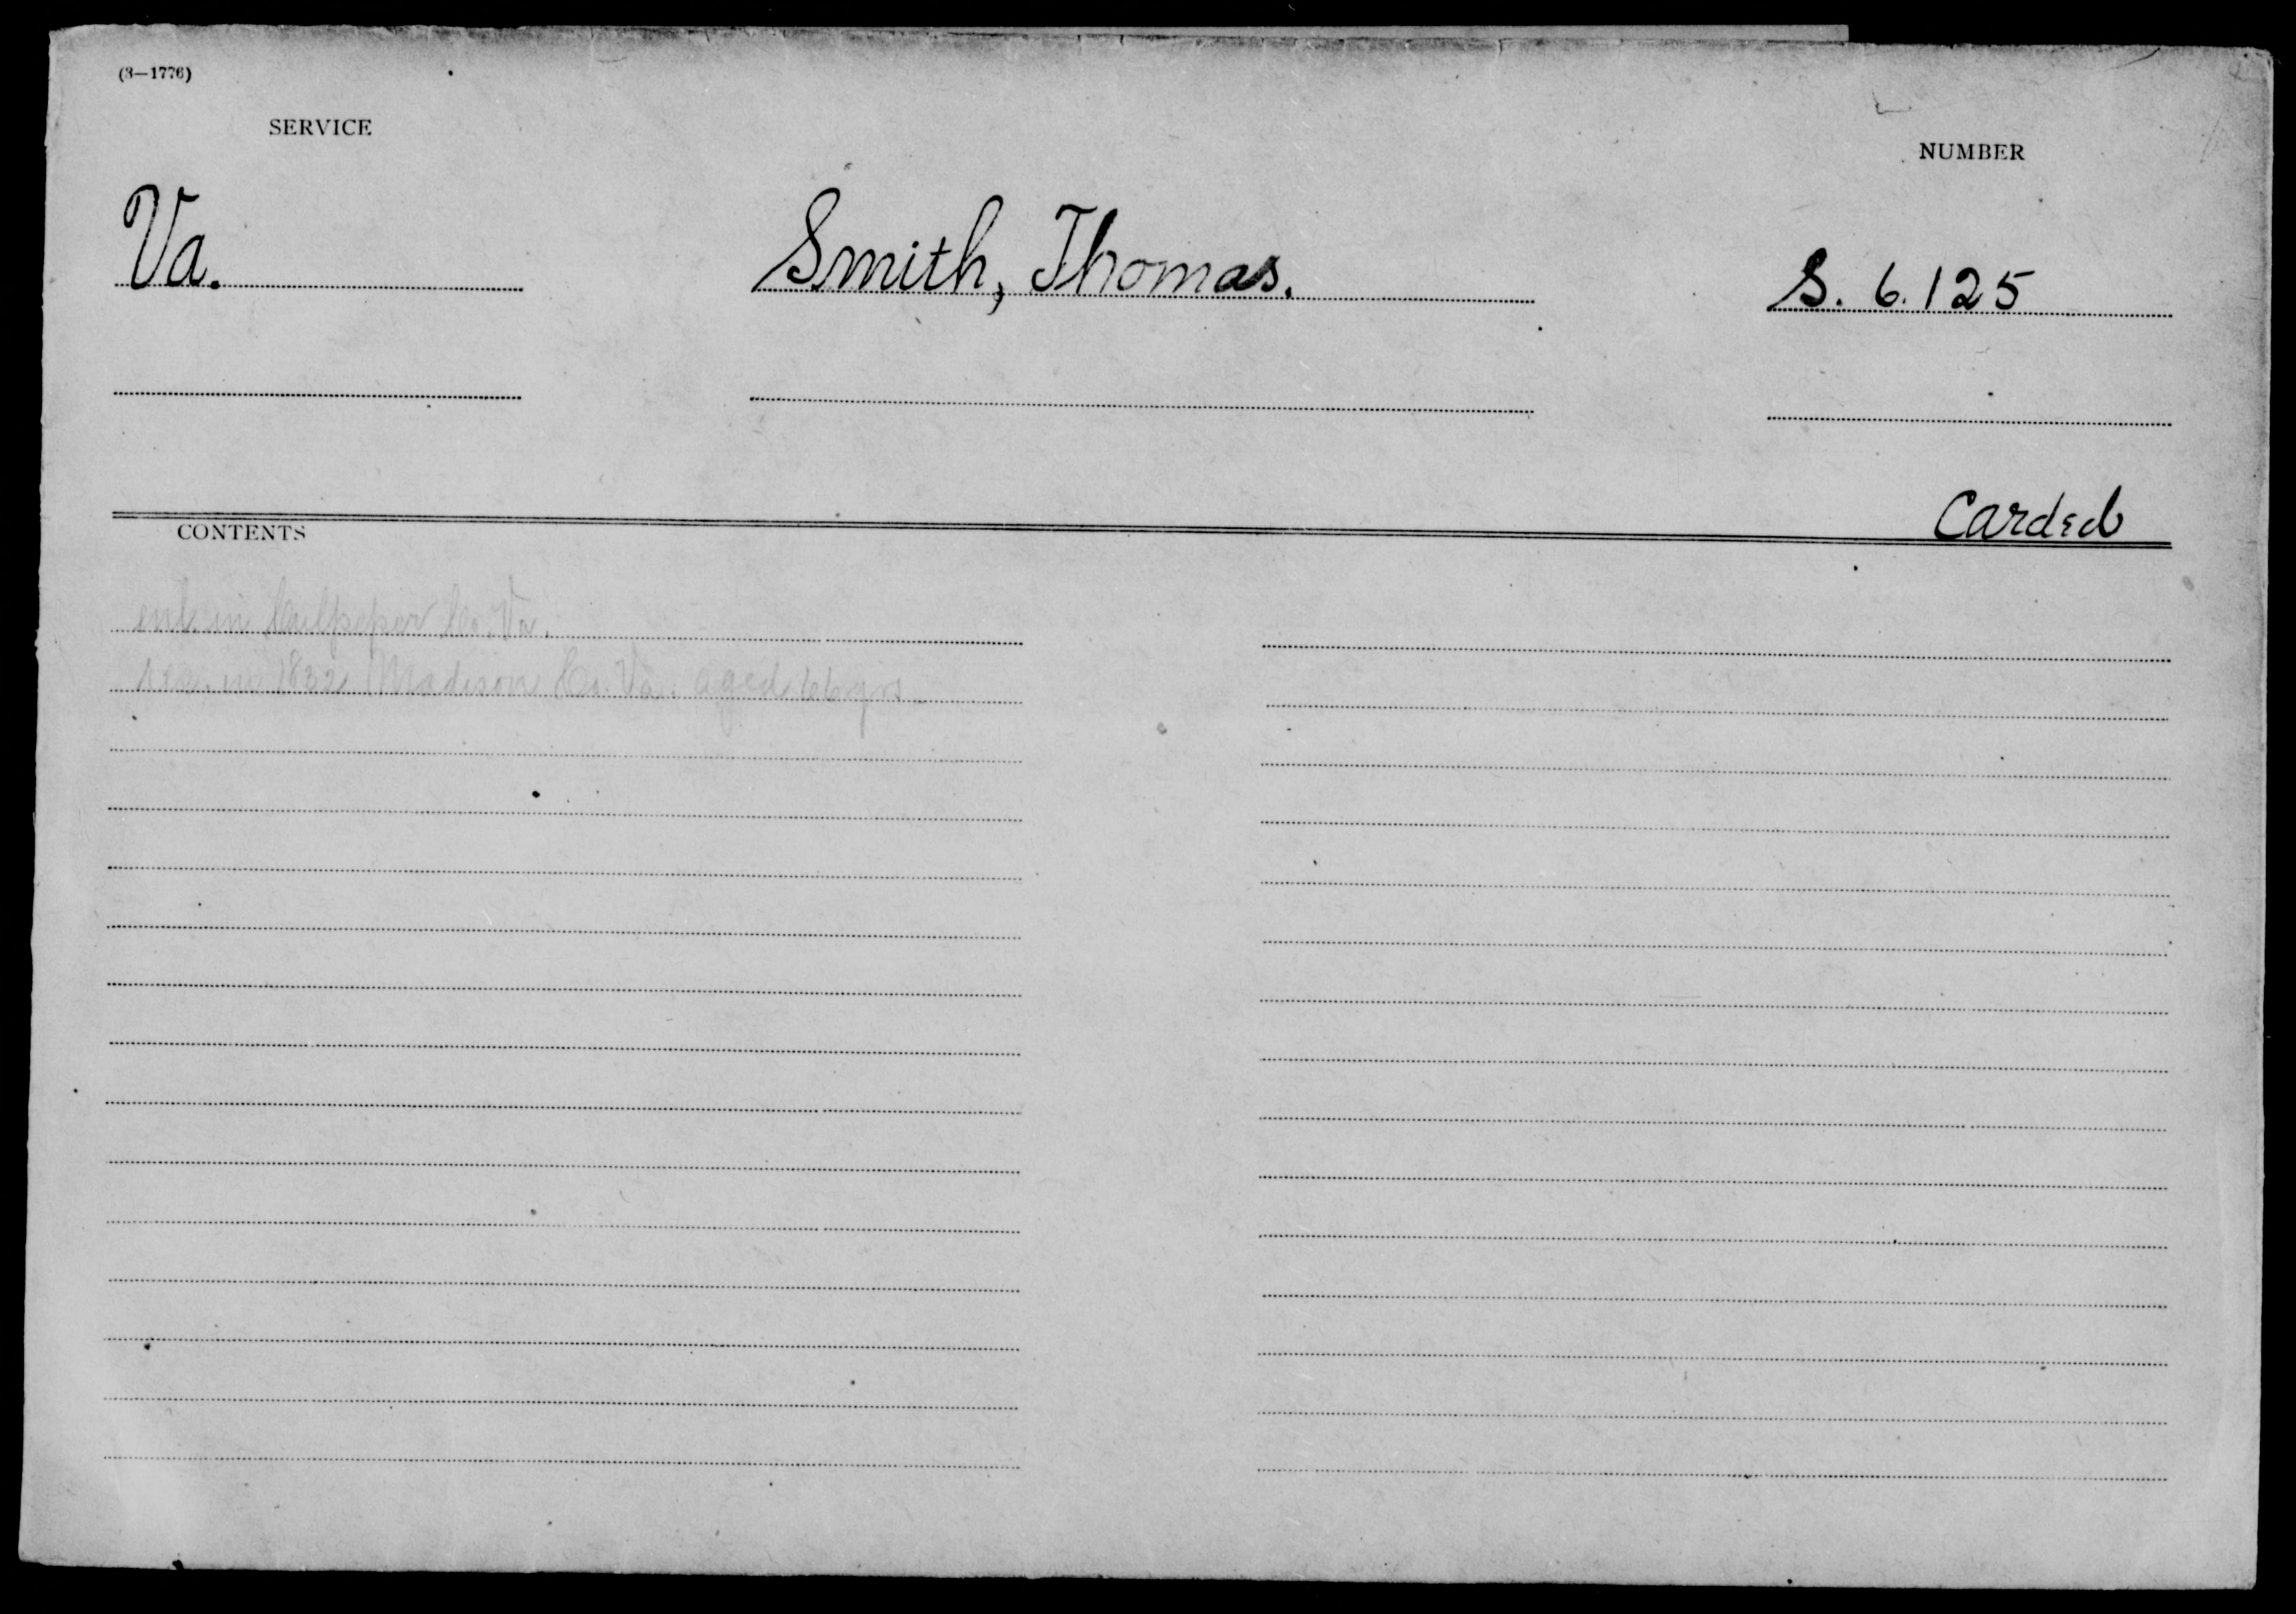(3 - 1776)
SERVICE |VA.| Smith, Thomas | NUMBER S. 6.125
CONTENTS
enl.in Culpeper Co. Va.
res.in 1832 Madison Co. Va. aged 66 yrs.
Carded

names: [BLANK]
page: 1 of 23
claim: survivor's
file: S. 6,125, for Thomas Smith, Virginia